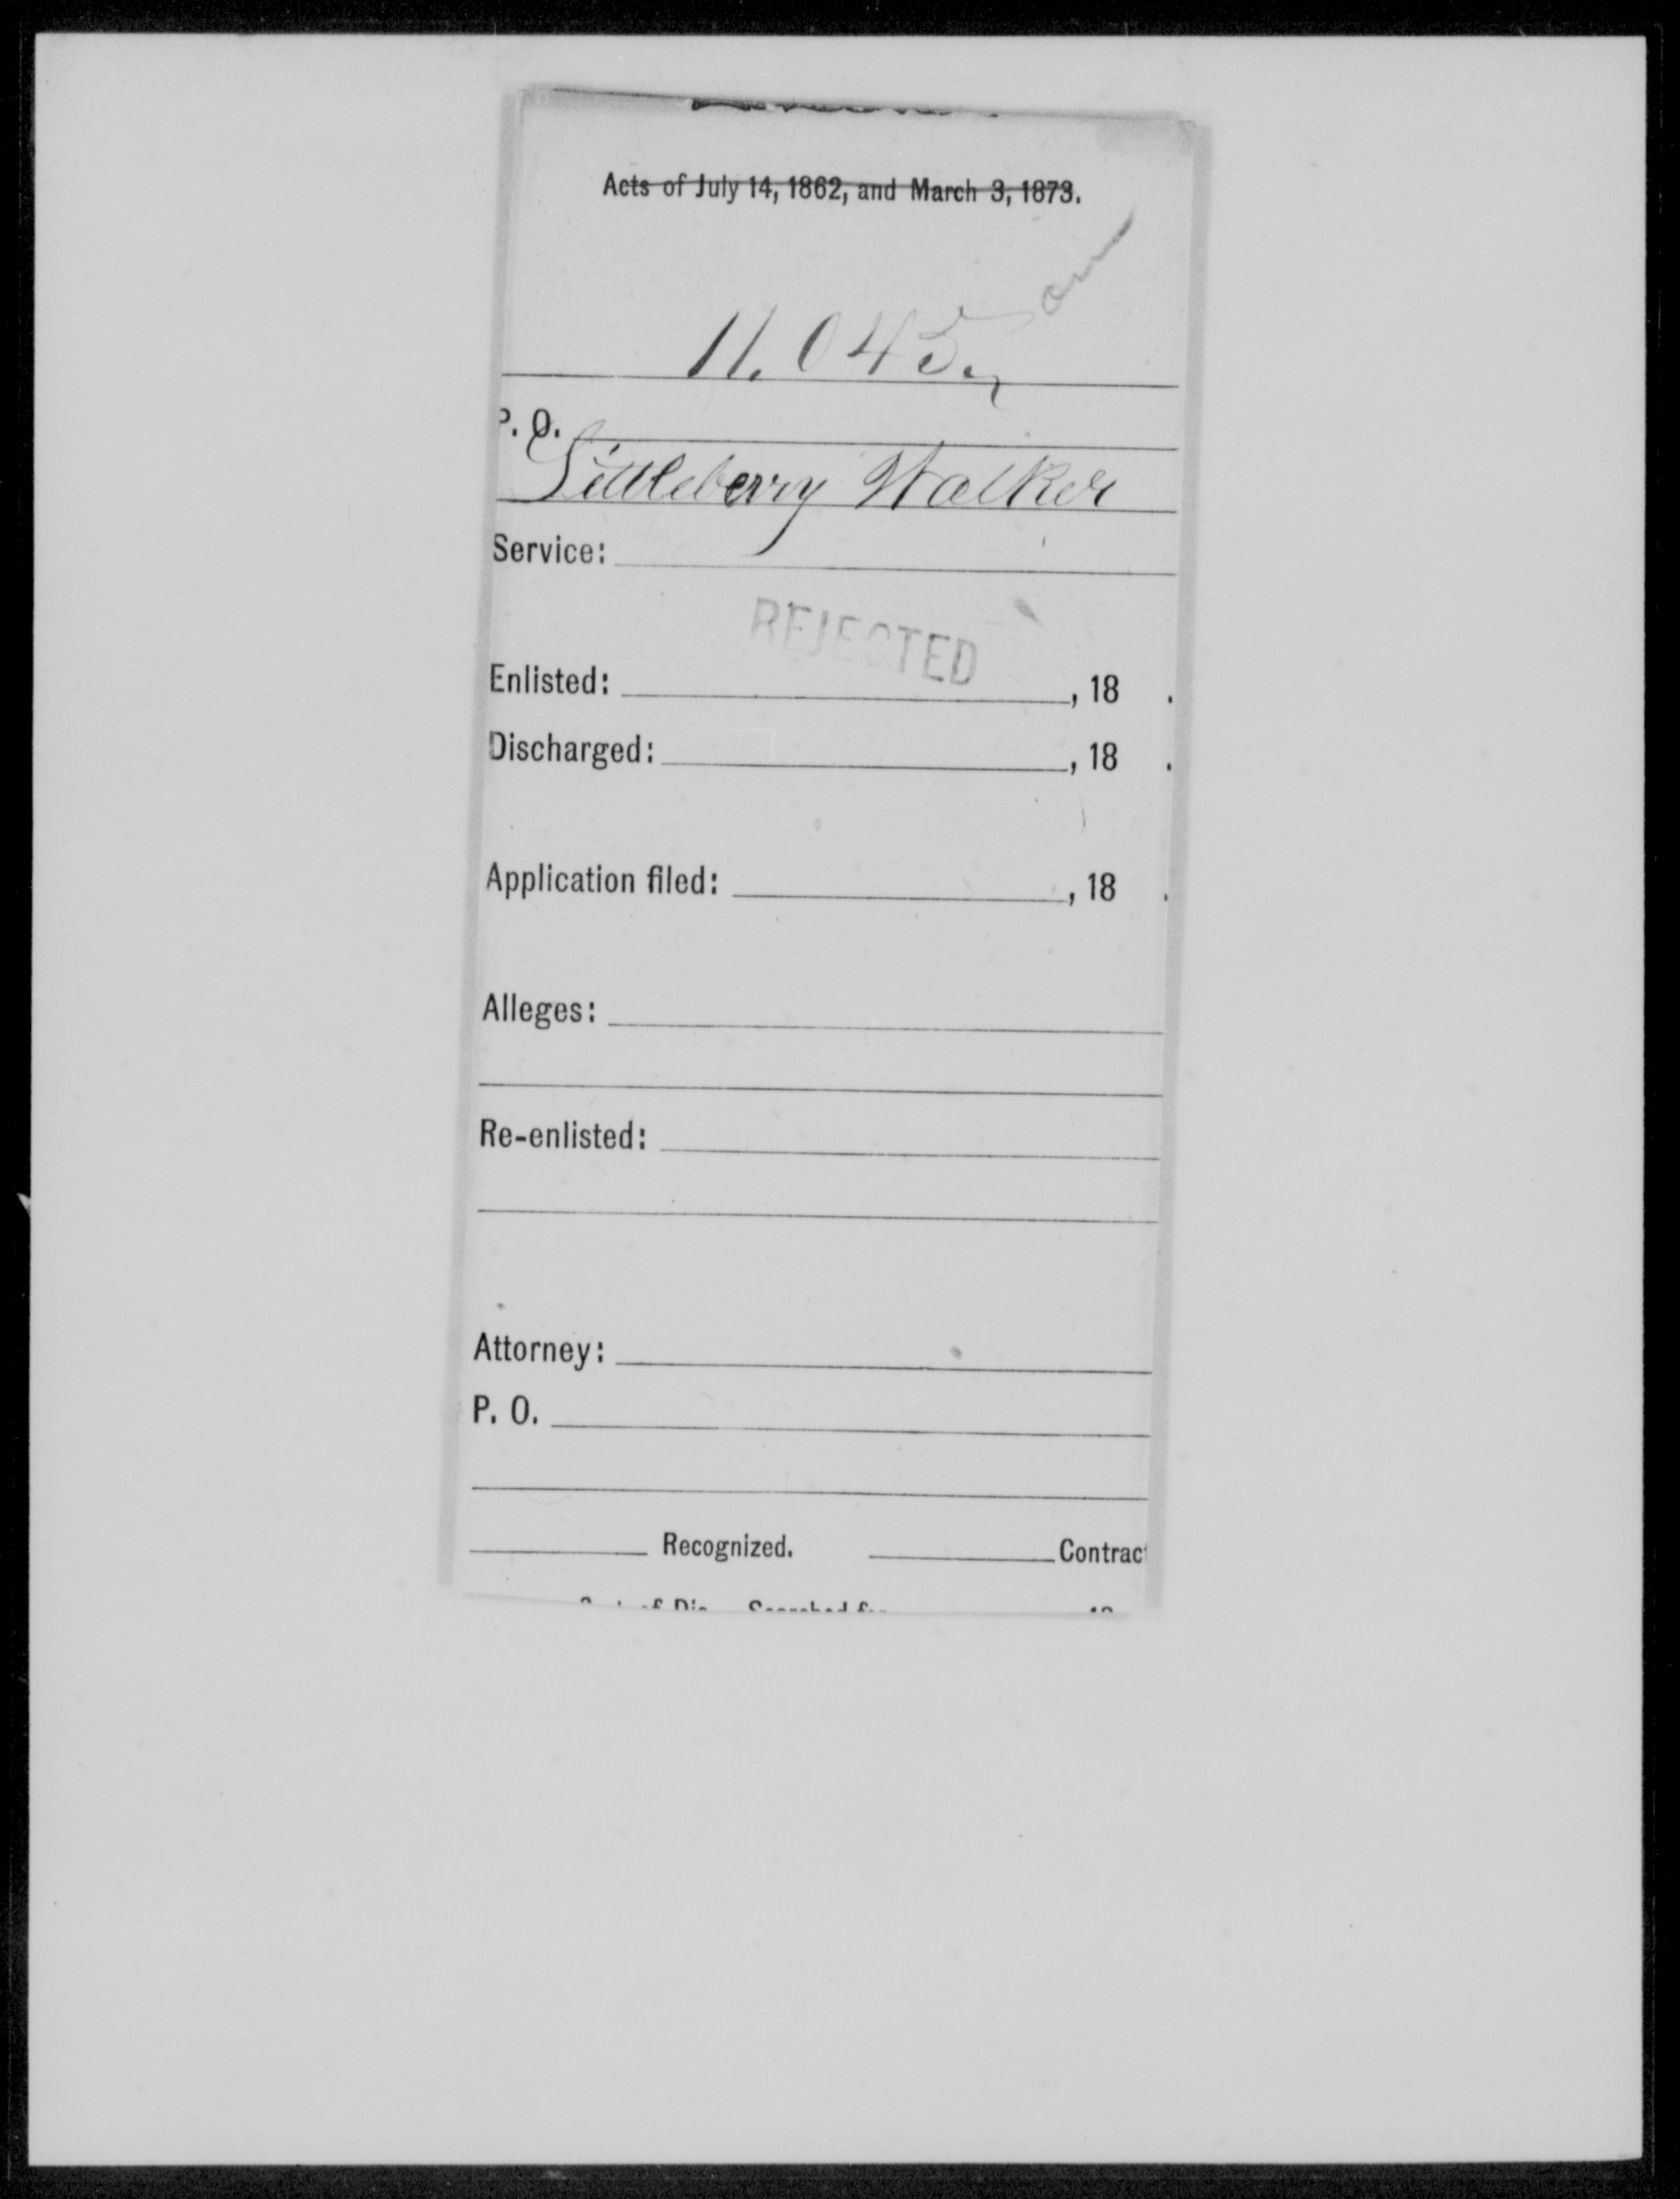Acts of July 14, 1862, and March 3, 1873.
[line drawn through above wording]

11.045
P.O. Littleberry Walker
Service:
Enlisted:____,18
Discharged: ___,18
Application filed:  _____,18
Alleges:
Re-enlisted:
Attorney:
P.O.:
___ Recognized

[STAMP ACROSS DOCUMENT]  REJECTED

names: Littleberry Walker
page: 6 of 15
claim: rejected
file: R. 11045, Littleberry Walker, Ga.